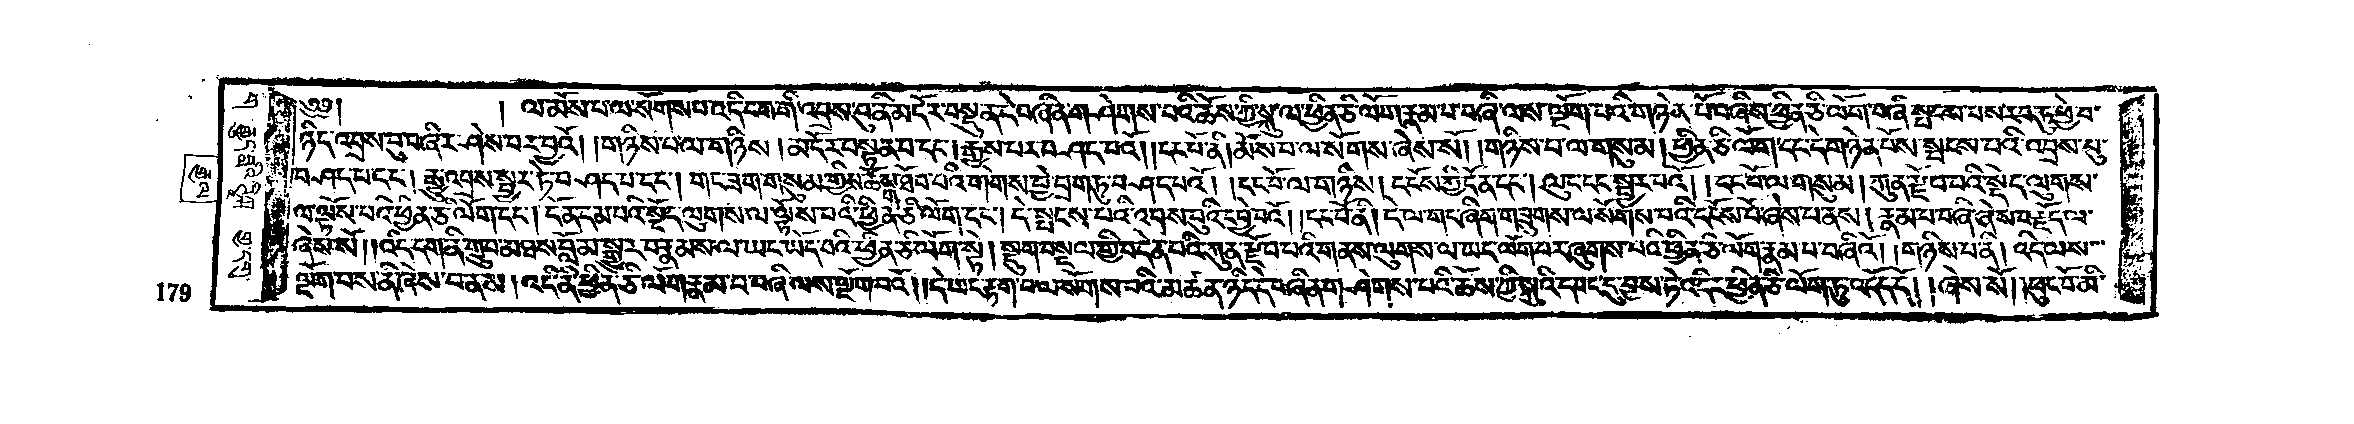༄༅། །ལ་མོས་པ་ལ་སོགས་པ་འདི་དག་གི་འབྲས་བུ་ནི་མདོར་བསྡུ་ན་དེ་བཞིན་གཤེགས་པའི་ཆོས་ཀྱི་སྐུ་ལ་ཕྱིན་ཅི་ལོག་རྣམ་པ་བཞི་ལས་ལྡོག་པའི་གཉེན་པོ་བཞིས་ཕྱིན་ཅི་ལོག་བཞི་སྤངས་པས་རབ་ཏུ་ཕྱེ་བ་
ཉིད་འབྲས་བུ་བཞིར་ཤེས་པར་བྱའོ། །གཉིས་པ་ལ་གཉིས། མདོར་བསྟན་པ་དང་། རྒྱས་པར་བཤད་པའོ། །དང་པོ་ནི། མོས་པ་ལ་སོགས་ཞེས་སོ། །གཉིས་པ་ལ་གསུམ། ཕྱིན་ཅི་ལོག་དང་དེ་གཉེན་པོས་སྤངས་པའི་འབྲས་བུ་
བཤད་པ་དང་། རྒྱུ་འབྲས་སྦྱར་ཏེ་བཤད་པ་དང་། གང་ཟག་གསུམ་གྱིས་ཆོས་སྒ?་ཐོབ་པའི་གེགས་བྱེ་བྲག་ཏུ་བཤད་པའོ། །དང་པོ་ལ་གཉིས། དངོས་ཀྱི་དོན་དང་། ལུང་དང་སྦྱར་བའོ། །དང་པོ་ལ་གསུམ། ཀུན་རྫོབ་པའི་སྡེད་ལུགས་
ལ་ལྟོས་པའི་ཕྱིན་ཅི་ལོག་དང་། དོན་དམ་པའི་སྡོད་ལུགས་ལ་ལྟོས་པའི་ཕྱིན་ཅི་ལོག་དང་། དེ་སྤངས་པའི་འབྲས་བུའི་དབྱེ་བའོ། །དང་པོ་ནི། དེ་ལ་གང་ཞིག་གཟུགས་ལ་སོགས་པའི་དངོས་པོ་ཞེས་པ་ནས། རྣམ་པ་བཞི་ཞེས་བརྗོད་ལ་
ཞེས་སོ། །འདི་དག་ནི་གྲུབ་མཐས་བློ་མ་སྒྱུར་བ་རྣམས་ལ་ཡང་ཡོད་པའི་ཕྱིན་ཅི་ལོག་སྟེ། སྡུག་བསྔལ་གྱི་བདེན་པའི་ཀུན་རྫོབ་པའི་གནས་ལུགས་ལ་ཡང་ལོག་པར་ཞུགས་པའི་ཕྱིན་ཅི་ལོག་རྣམ་པ་བཞིའོ། །གཉིས་པ་ནི། འདི་ལས་
ལྡོག་པས་ནི་ཞེས་པ་ནས། འདི་ནི་ཕྱིན་ཅི་ལོག་རྣམ་པ་བཞི་ལས་ལྡོག་པའོ། །དེ་ཡང་རྟག་པ་ལ་སོགས་པའི་མཚན་ཉིད་དེ་བཞིན་གཤེགས་པའི་ཆོས་ཀྱི་སྐུའི་དབང་དུ་བྱས་ཏེ་འདིར་ཕྱིན་ཅི་ལོག་ཏུ་འདོད་དོ། །ཞེས་སོ། །ཕུང་པོ་མི་